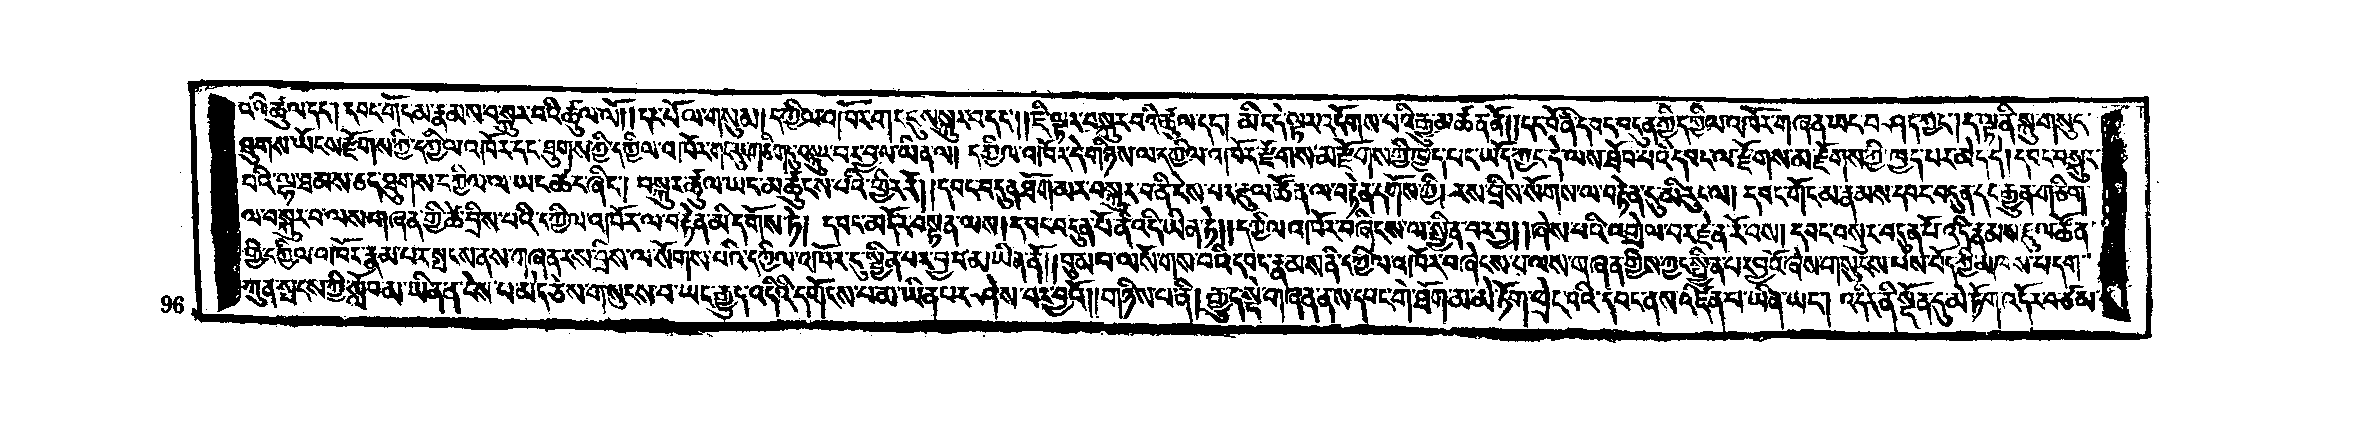བའི་ཚུལ་དང་། དབང་གོང་མ་རྣམས་བསྐུར་བའི་ཚུལ་ལོ། །དང་པོ་ལ་གསུམ། དཀྱིལ་འཁོར་གང་དུས་སྐུར་བ་དང་། །ཇི་ལྟར་བསྐུར་བའི་ཚུལ་དང་། མིང་དེ་ལྟར་འདོགས་པའི་རྒྱུ་མཚན་ནོ། །དང་པོ་ནི་དབང་བདུན་གྱི་དཀྱིལ་འཁོར་གཞན་ཡང་བཤད་ཀྱང་། ད་ལྟ་ནི་སྐུ་གསུང་
ཐུགས་ཡོངས་རྫོགས་ཀྱི་དཀྱིལ་འཁོར་དང་ཐུགས་ཀྱི་དཀྱིལ་འཁོར་གང་རུང་གཅིག་ཏུ་བསྐུར་བར་བྱ་ལ་ཡིན་ལ། དཀྱིལ་འཁོར་དེ་གཉིས་ལ་དཀྱིལ་འཁོར་རྫོགས་མ་རྫོགས་ཀྱི་ཁྱད་པར་ཡོད་ཀྱང་དེ་ལས་ཐོབ་པའི་དབང་ལ་རྫོགས་མ་རྫོགས་ཀྱི་ཁྱད་པར་མེད་དེ། དབང་བསྐུར་
བའི་ལྷ་ཐམས་ཅད་ཐུགས་དཀྱིལ་ལ་ཡང་ཚང་ཞིང་། བསྐུར་ཚུལ་ཡང་མཚུངས་པའི་ཕྱིར་རོ། །དབང་བདུན་ཐོག་མར་བསྐུར་བ་ནི་ངེས་པར་རྡུལ་ཚོན་ལ་བརྟེན་དགོས་ཀྱི། རས་བྲིས་སོགས་ལ་བརྟེན་དུ་མི་རུང་ལ། དབང་གོང་མ་རྣམས་དབང་བདུན་དང་རྒྱུན་གཅིག་
ལ་བསྐུར་བ་ལས་གཞན་གྱི་ཚེ་བྲིས་པའི་དཀྱིལ་འཁོར་ལ་བརྟེན་མི་དགོས་ཏེ། དབང་མདོར་བསྟན་ལས། དབང་བདུན་པོ་ནི་འདི་ཡིན་ཏེ། །དཀྱིལ་འཁོར་བཞིངས་ལ་སྦྱིན་པར་བྱ། །ཞེས་པའི་འགྲེལ་པར་རྗེ་ནཱ་རོ་པས། དབང་བསུར་བདུན་པོ་འདི་རྣམས་རྡུལ་ཚོན་
གྱི་དཀྱིལ་འཁོར་རྣམ་པར་སྤངས་ནས་གཞན་རས་བྲིས་ལ་སོགས་པའི་དཀྱིལ་འཁོར་དུ་སྦྱིན་པར་བྱ་བ་མ་ཡིན་ནོ། །བུམ་པ་ལ་སོགས་པའི་དབང་རྣམས་ནི་དཀྱིལ་འཁོར་བཞེངས་པ་ལས་གཞན་གྱིས་ཀྱང་སྦྱིན་པར་བྱའོ་ཞེས་གསུངས་པས་བོད་ཀྱི་མཁས་པ་དག་
ཀུན་སྤངས་ཀྱི་སློབ་མ་ཡིན་ན་ངེས་པ་མེད་ཅེས་གསུངས་པ་ཡང་རྒྱུད་འདིའི་དགོངས་པ་མ་ཡིན་པར་ཤེས་པར་བྱའོ། །གཉིས་པ་ནི། རྒྱུད་སྡེ་གཞན་ནས་དབང་གི་ཐོག་མ་མེ་ཏོག་ཕྲེང་བའི་དབང་ནས་འཛིན་པ་ཡིན་ཡང་། འདིར་ནི་སྔོན་དུ་མེ་ཏོག་འདོར་བ་ཙམ་